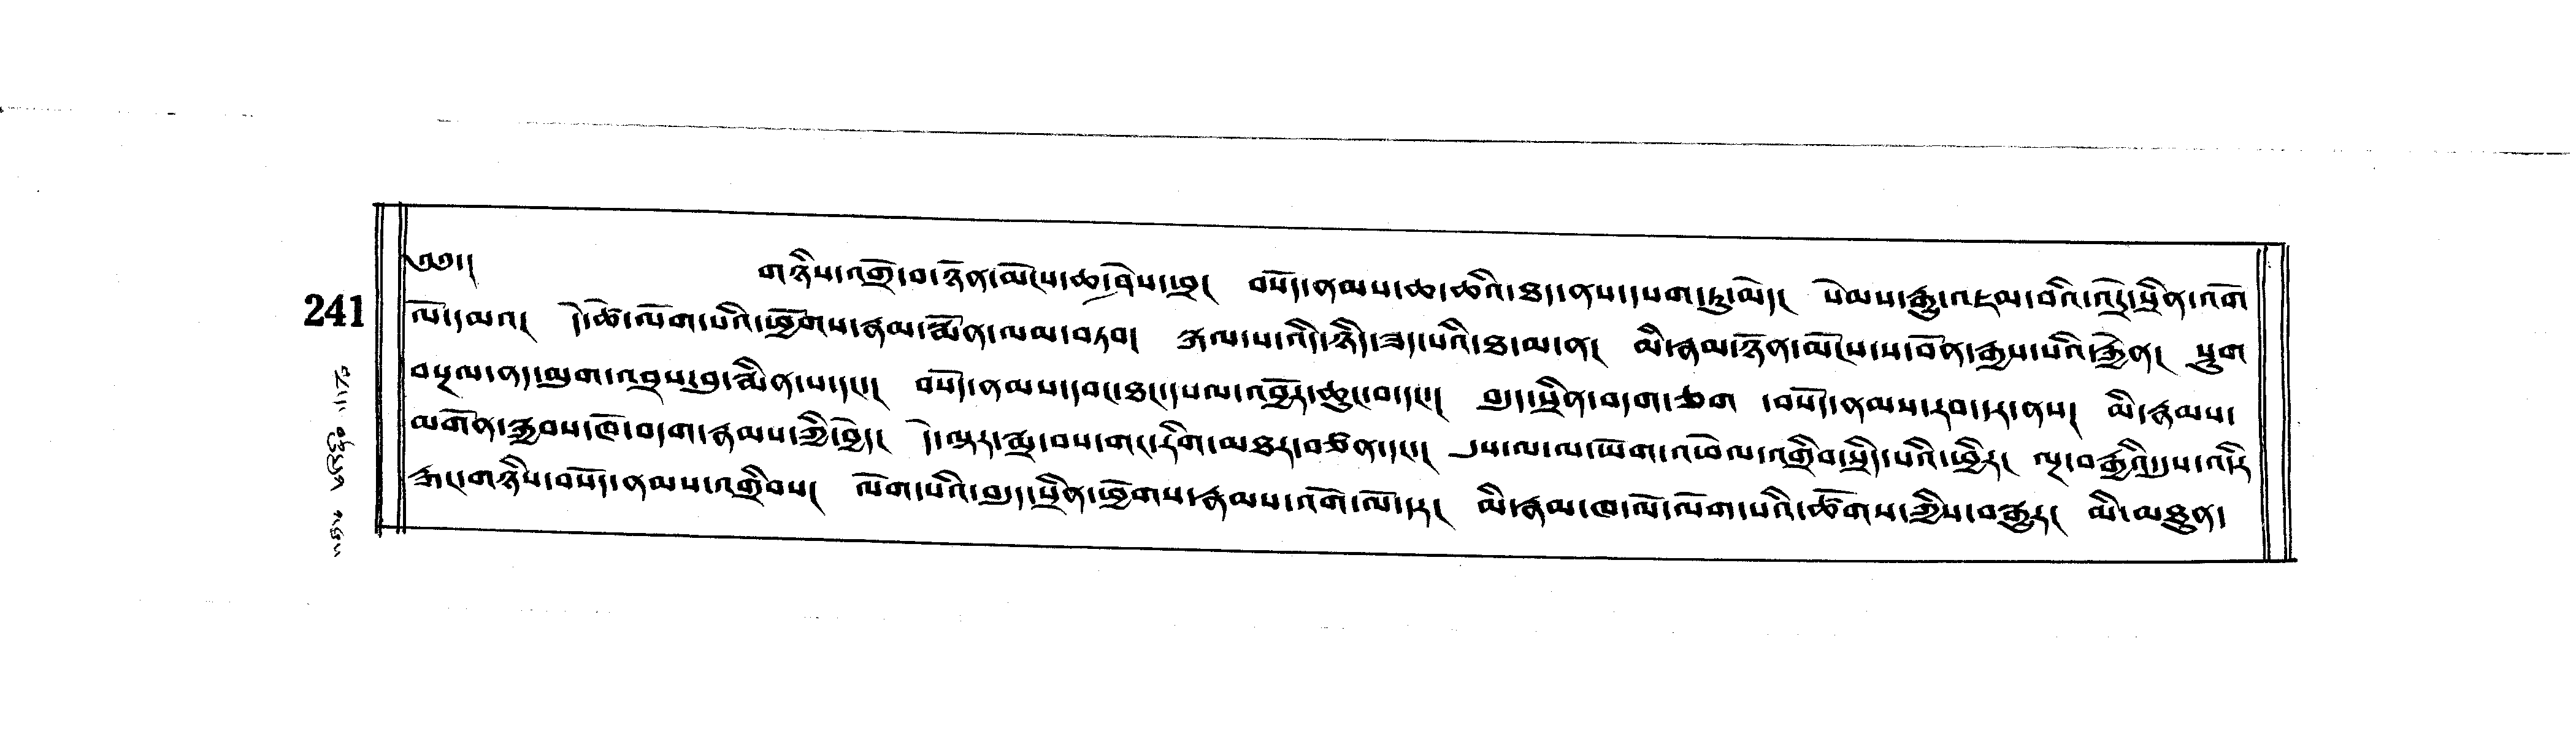གཉིས་འགྲོ་བ་ཉོན་མོངས་ཆ་ཤས་ཕྲ། བསོད་ནམས་ཆ་ཆའི་ཐད་ནས་དཔག་ཏུ་མེད། སེམས་རྒྱུ་འཇམ་པའི་འདྲེ་སྲིན་མགོ་
ལོ་དམའ། དེ་ཚེ་ལོག་པའི་ཕྱོགས་རྣམས་སྨོན་ལམ་བཏབ། བསྐལ་པ་འདི་ཉིད་ཟད་པའི་མཐའ་མ་ན། མི་རྣམས་ཉོན་མོངས་ས་བོན་རྒྱས་པའི་རྐྱེན། སྡུག་
བསྔལ་ནད་མུག་འབྲས་བུ་སྨིན་པ་དང་། བསོད་ནམས་དབང་ཐང་དཔལ་འབྱོར་ཆུང་བ་དང་། བདུས་སྲིན་བདག་ཅག་བསོད་ནམས་རབ་དར་ནས། མི་རྣམས་
མགོན་སྐྱབས་ཁོ་བདག་རྣམས་ཀྱིས་བྱེད། དེ་ལྟར་སྨྲ་བས་གང་རིགས་མཐར་བཙན་དང་། དུས་ལ་ལ་ཡོག་འཕེལ་འགྲིབས་སྲིད་པའི་ཕྱིར། ལྔ་བརྒྱའི་དུས་འདིར་
རྐང་གཉིས་བསོད་ནམས་འགྲིབས། ལོག་པའི་བདུད་སྲིན་ཕྱོགས་རྣམས་འགོ་ལོ་དར། མི་རྣམས་ཁ་ལོ་ལོག་པའི་ཕྱོགས་ཀྱིས་བསྒྱུར། མི་མཐུན་